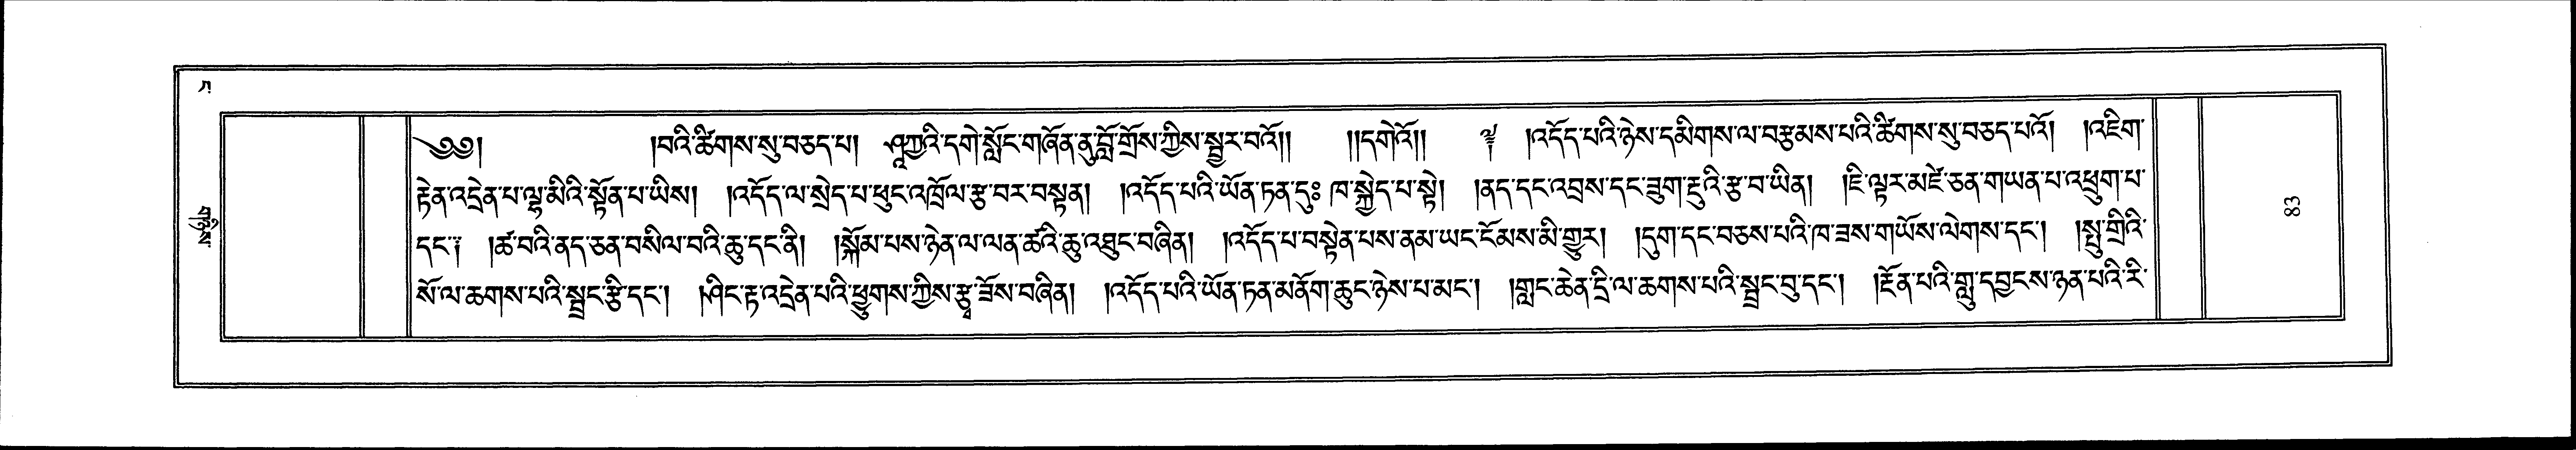༄༅། །བའི་ཚིགས་སུ་བཅད་པ། །ཤཱཀྱའི་དགེ་སློང་གཞོན་ནུ་བློ་གྲོས་ཀྱིས་སྦྱར་བའོ།། །།དགེའོ།། ༈ །འདོད་པའི་ཉེས་དམིགས་ལ་བརྩམས་པའི་ཚིགས་སུ་བཅད་པའོ། །འཇིག་
རྟེན་འདྲེན་པ་ལྷ་མིའི་སྟོན་པ་ཡིས། །འདོད་ལ་སྲེད་པ་ཕུང་འཁྲོལ་རྩ་བར་བསྟན། །འདོད་པའི་ཡོན་ཏན་དུཿ ཁ་སྐྱེད་པ་སྟེ། །ནད་དང་འབྲས་དང་ཟུག་རྔུའི་རྩ་བ་ཡིན། །ཇི་ལྟར་མཛེ་ཅན་གཡན་པ་འཕྲུག་པ་
དང་། །ཚ་བའི་ནད་ཅན་བསིལ་བའི་ཆུ་དང་ནི། །སྐོམ་པས་ཉེན་ལ་ལན་ཚའི་ཆུ་འཐུང་བཞིན། །འདོད་པ་བསྟེན་པས་ནམ་ཡང་ངོམས་མི་གྱུར། །དུག་དང་བཅས་པའི་ཁ་ཟས་གཡོས་ལེགས་དང་། །སྤུ་གྲིའི་
སོ་ལ་ཆགས་པའི་སྦྲང་རྩི་དང་། །ཤིང་རྟ་འདྲེན་པའི་ཕྱུགས་ཀྱིས་རྩྭ་ཟོས་བཞིན། །འདོད་པའི་ཡོན་ཏན་མནོག་ཆུང་ཉེས་པ་མང་། །གླང་ཆེན་དྲི་ལ་ཆགས་པའི་སྦྲང་བུ་དང་། །རྔོན་པའི་གླུ་དབྱངས་ཉན་པའི་རི་